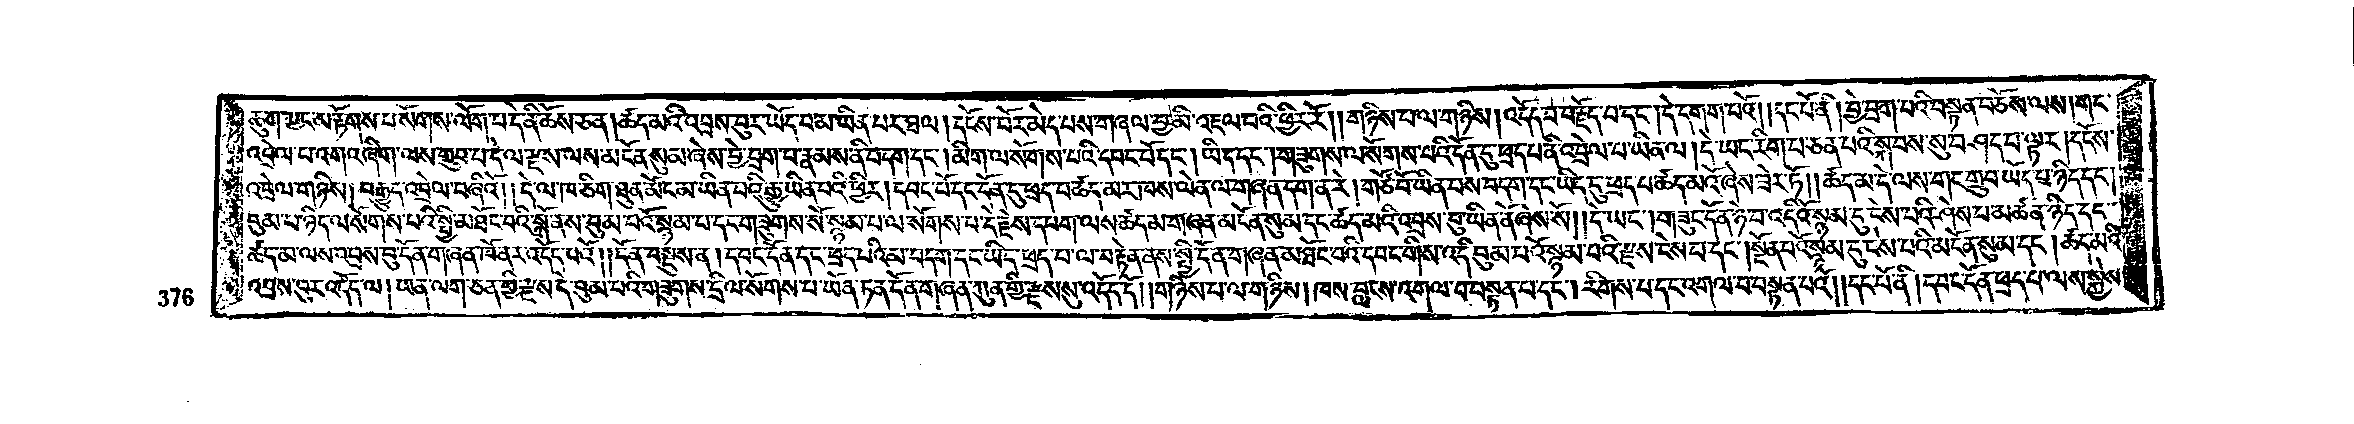ཆུག་ཀྱང་མ་རྟོགས་པ་སོགས་ལོག་པ་དེ་ནི་ཆོས་ཅན། ཚད་མའི་འབྲས་བུར་ཡོད་པ་མ་ཡིན་པར་ཐལ། དངོས་པོ་མེད་པས་གཞལ་བྱ་མི་འཇལ་བའི་ཕྱིར་རོ། །གཉིས་པ་ལ་གཉིས། འདོད་པ་བརྗོད་པ་དང་། དེ་དགག་པའོ། །དང་པོ་ནི། བྱེ་བྲག་པའི་བསྟན་བཅོས་ལས། གང་
འབྲེལ་པ་འགའ་ཞིག་ལས་གྲུབ་པ་དེ་ལ་རྫས་ལས་མངོན་སུམ་ཞེས་བྱེ་བྲག་པ་རྣམས་ནི་བདག་དང་། མིག་ལ་སོགས་པའི་དབང་པོ་དང་། ཡིད་དང་། གཟུགས་ལ་སོགས་པའི་དོན་དུ་ཕྲད་པ་ནི་འབྲེལ་པ་ཡིན་ལ། དེ་ཡང་རིག་པ་ཅན་པའི་སྐབས་སུ་བཤད་པ་ལྟར། དངོས་
འབྲེལ་གཉིས། བརྒྱུད་འབྲེལ་བཞིའོ། །དེ་ལ་ཁ་ཅིག་ཐུན་མོང་མ་ཡིན་པའི་རྒྱུ་ཡིན་པའི་ཕྱིར། དབང་པོ་དང་དོན་དུ་ཕྲད་པ་ཙམ་བར་ཁས་ལེན་ལ་གཞན་དག་ན་རེ། གཙོ་བོ་ཡིན་པས་བདག་དང་ཡིད་དུ་ཕྲད་པ་ཚད་མའོ་ཞེས་ཟེར་ཏོ། །ཚད་མ་དེ་ལས་གང་གྲུབ་ཡོད་པ་ཉིད་དང་།
བུམ་པ་ཉིད་ལ་སོགས་པའི་སྤྱི་མཐོང་བའི་སྒོ་ནས་བུམ་པའོ་སྙམ་པ་དང་གཟུགས་སོ་སྙམ་པ་ལ་སོགས་པ་དེ་རྗེས་དཔག་ལས་ཚད་མ་གཞན་མངོན་སུམ་དང་ཚད་མའི་འབྲས་བུ་ཡིན་ནོ་ཞེས་སོ། །དེ་ཡང་གཟུང་དོན་ཉེ་བ་འདིའོ་སྙམ་དུ་ངེས་པའི་ཤེས་པ་མཚན་ཉིད་དང་
ཚད་མ་ལས་འབྲས་བུ་དོན་གཞན་ཁོ་ནར་འདོད་པའོ། །དོན་བསྡུས་ན། དབང་དོན་དང་ཕྲད་པའི་མ་བདག་དང་ཡིད་ཕྲད་པ་ལ་བརྟེན་ནས་སྤྱི་དོན་གཞན་མཐོང་བའི་དབང་གིས་འདི་བུམ་པའོ་སྙམ་བའི་རྫས་ངེས་པ་དང་། སྔོན་པའོ་སྙམ་དུ་ངེས་པའི་མངོན་སུམ་དང་། ཚད་མའི་
འབྲས་བུར་འདོད་ལ། ཡན་ལག་ཅན་གྱི་རྫས་དེ་བུམ་པའི་གཟུགས་དྲི་ལ་སོགས་པ་ཡོན་ཏན་དོན་གཞན་ཀུན་གྱི་རྫས་སུ་འདོད་དོ། །གཉིས་པ་ལ་གཉིས། ཁས་བླངས་འགལ་བ་བསྟན་པ་དང་། རིགས་པ་དང་འགལ་བ་བསྟན་པའོ། །དང་པོ་ནི། དབང་དོན་ཕྲད་པ་ལས་སྐྱེས་